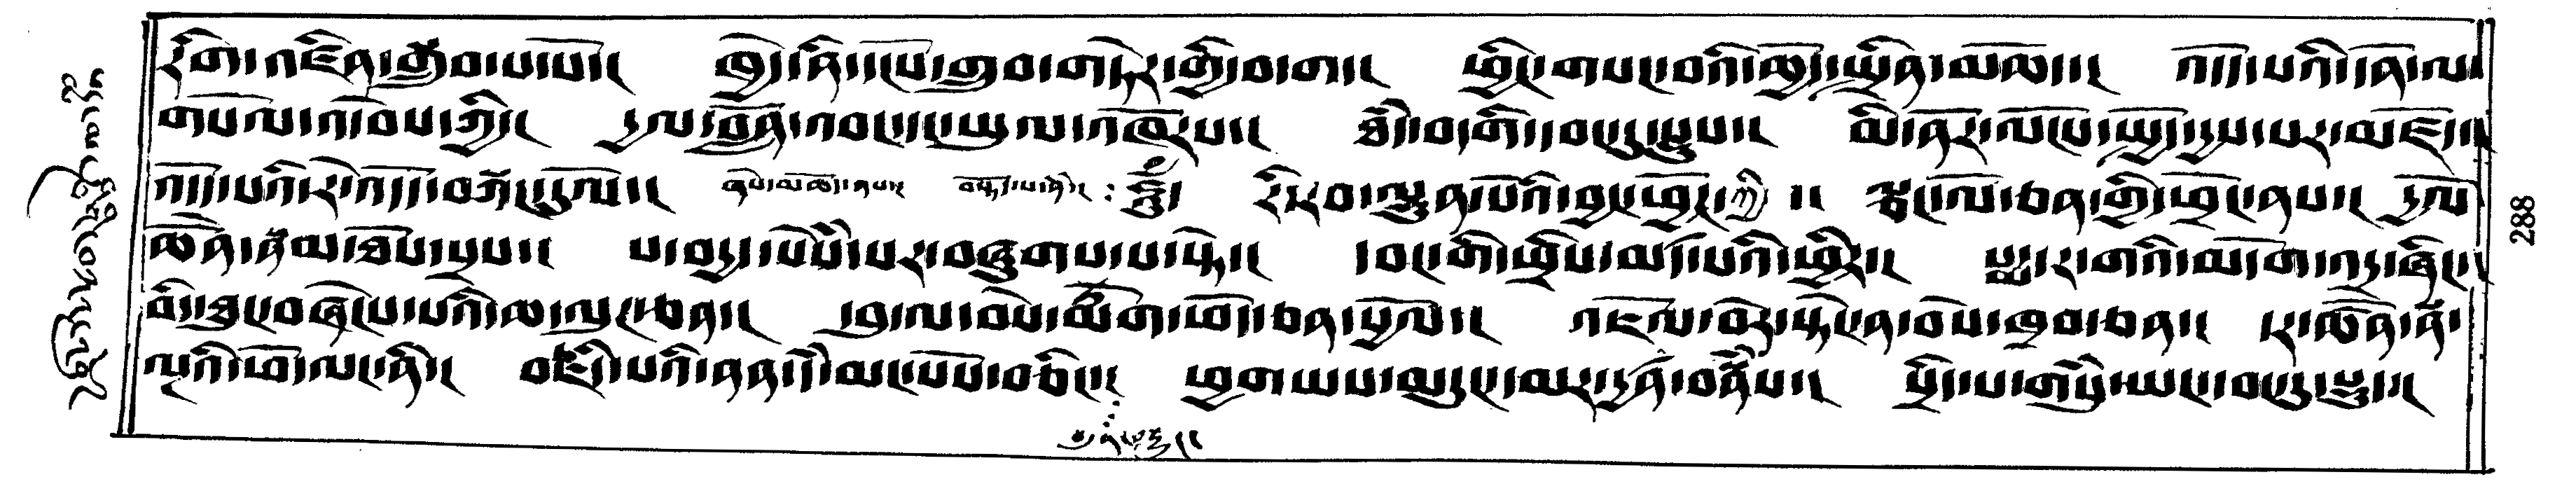རིག་འཛིན་སྒྲུབ་པ་པོ། །ཁྱོད་ནི་དངོས་གྲུབ་གཏེར་གྱི་བདག །ཕྱི་ནང་གསང་བའི་གཆོད་སྤྲིན་མཆོད། །འདོད་པའི་དོན་ལ་
གསོལ་འདེབས་ཀྱི། །རྒྱལ་བློན་འབངས་དང་ཡུལ་འཁོར་དང་བཅས། །ཐམས་ཅད་བདག་གི་དབང་དུ་སྡུས། །མི་ནོར་ལོངས་སྤྱོད་རྒྱས་པར་མཛོད། །
འདོད་པའི་རེ་འདོད་བསྐང་དུ་གསོལ། ཞེས་མཆོད་ནས། བསྟོད་པ་ནི། ཧཱུྃ།རི་རབ་ལྷུན་པོའི་བྱང་ཕྱོགས་ཀྱི། །ལྕང་ལོ་ཅན་གྱི་ཕོ་བྲང་ནས། །རྒྱལ་པོ་
ཆེན་པོ་རྣམ་ཐོས་སྲས། །ས་བརྒྱད་སེམས་པར་བཞུགས་པ་སྟེ། །དབང་གི་ཕྲིན་ལས་མཛད་པའི་ཕྱིར། །པདྨ་ར་གའི་མདོག་འདྲ་ཞིང་། །
མི་ཐུང་བཞེངས་པའི་ཆ་ལུགས་ཅན། །དབུ་ལ་བསེ་རྨོག་ཕོད་ཅན་གསོལ། །འཇོལ་བེར་སྟེང་ན་བསེ་ཁྲབ་ཅན། །དར་ཚོན་སྣ་
ལྔའི་ཕོ་ལོང་ནི། །བརྗིད་པའི་ནན་དམ་མང་པོས་བཅིངས། ཕྱག་གཡས་མདུང་དམར་རྒྱལ་མཚན་བསྣམས། །སྲིད་པ་གསུམ་ཡང་དབང་དུ་སྡུད།